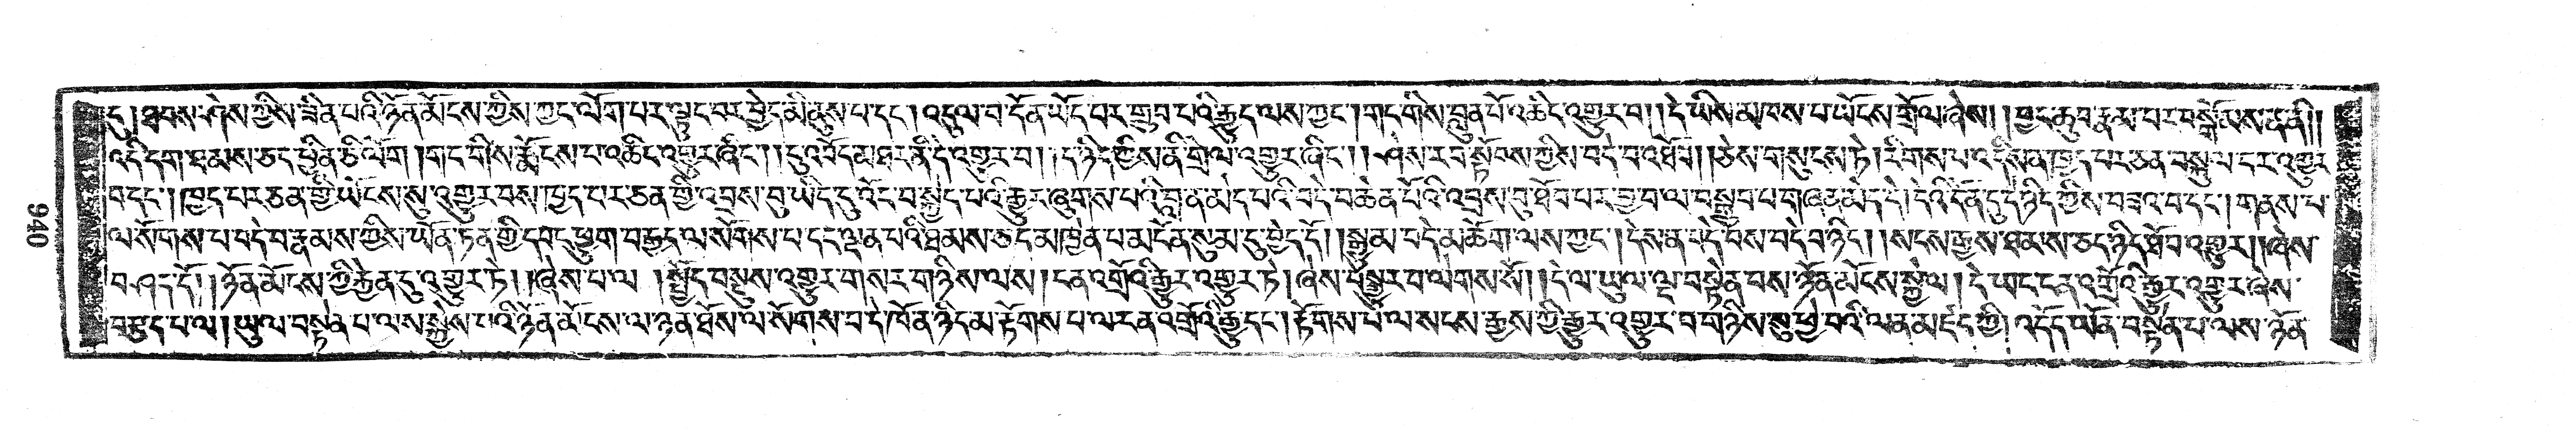དུ། ཐབས་ཤེས་ཀྱིས་ཟིན་པའི་ཉོན་མོངས་ཀྱིས་ཀྱང་ལོག་པར་ལྟུང་བར་བྱེད་མི་ནུས་པ་དང་། འདུལ་བ་དོན་ཡོད་པར་གྲུབ་པའི་རྒྱུད་ལས་ཀྱང་། གང་གིས་བླུན་པོ་འཆིང་འགྱུར་བ། །དེ་ཡིས་མཁས་པ་ཡོངས་གྲོལ་ཞེས། །བྱང་ཆུབ་རྣམ་པར་བསྒོམས་ན་ནི། །
འདི་དག་ཐམས་ཅད་ཕྱིན་ཅི་ལོག །གང་གིས་རྨོངས་པ་འཆིང་འགྱུར་ཞིང་། །དུ་འབོད་མཐར་ནི་དེ་འགྱུར་བ། །དེ་ཉིད་ཀྱིས་ནི་གྲེལ་འགྱུར་ཞིང་། །ཤེས་རབ་སྟོབས་ཀྱིས་བདེ་བ་འཐོབ། །ཅེས་གསུངས་ཏེ། རིགས་པ་འདིས་ན་ཁྱད་པར་ཅན་བསྐུལ་བར་འགྱུར་
བ་དང་། ཁྱད་པར་ཅན་གྱི་ཡོངས་སུ་འགྱུར་བས་ཁྱད་པར་ཅན་གྱི་འབྲས་བུ་ཡིད་དུ་འོང་བ་སྐྱེད་པའི་རྒྱུར་ཞུགས་པའི་བླ་ན་མེད་པའི་བདེ་བ་ཆེན་པོའི་འབྲས་བུ་ཐོབ་པར་བྱ་བ་ལ་བསྒྲུབ་པ་གཞན་མེད་དེ། དེའི་དོན་དུ་དེ་ཉིད་ཀྱིས་བཟའ་བ་དང་། གནས་པ་
ལ་སོགས་པ་བདེ་བ་རྣམས་ཀྱིས་ཡོན་ཏན་གྱི་དབང་ཕྱུག་བརྒྱད་ལ་སོགས་པ་དང་ལྡན་པའི་ཐམས་ཅད་མཁྱེན་པ་མངོན་སུམ་དུ་བྱེད་དོ། །སྒྱུ་མ་བདེ་མཆོག་ལས་ཀྱང་། དེས་ན་བདེ་བས་བདེ་བ་ཉིད། །སངས་རྒྱས་ཐམས་ཅད་ཉིད་ཐོབ་འགྱུར། །ཞེས་
བཤད་དོ། །ཉོན་མོངས་ཀྱི་རྐྱེན་དུ་འགྱུར་ཏེ། །ཞེས་པ་ལ། སྤྱོད་བསྡུས་འགྱུར་གསར་གཉིས་ལས། ངན་འགྲོའི་རྒྱུར་འགྱུར་ཏེ། ཞེས་བསྒྱུར་བ་ལེགས་སོ། །དེ་ལ་ཡུལ་ལྔ་བསྟེན་པས་ཉོན་མོངས་སྐྱེ་ལ། དེ་ཡང་ངན་འགྲོའི་རྒྱུར་འགྱུར་ཞེས་
བརྩད་པ་ལ། ཡུལ་བསྟེན་པ་ལས་སྐྱེས་པའི་ཉོན་མོངས་ལ་ཉན་ཐོས་ལ་སོགས་པ་དེ་ཁོ་ན་ཉིད་མ་རྟོགས་པ་ལ་ངན་འགྲོའི་རྒྱུ་དང་། རྟོགས་པ་ལ་སངས་རྒྱས་ཀྱི་རྒྱུར་འགྱུར་བ་གཉིས་སུ་ཕྱེ་བའི་ལན་མཛད་ཀྱི། འདོད་ཡོན་བསྟེན་པ་ལས་ཉོན་